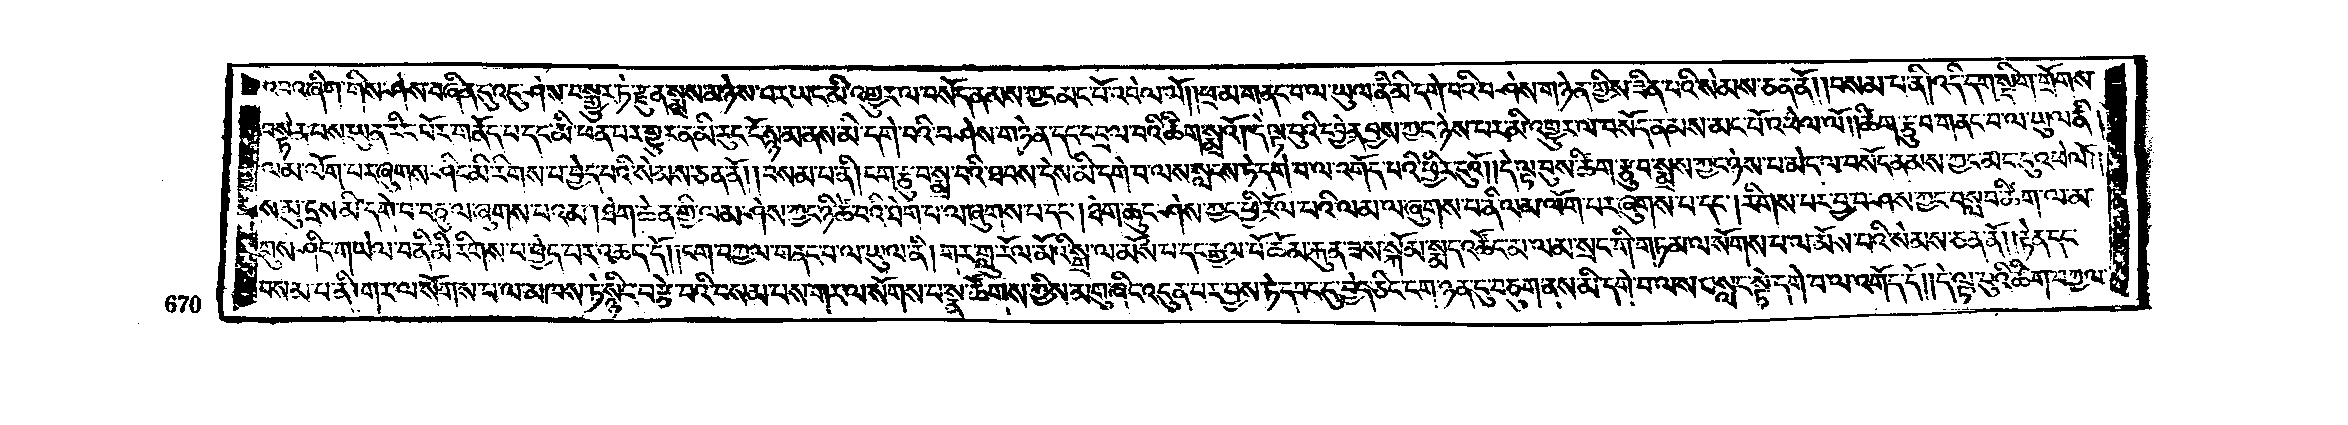འབའ་ཞིག་གིས་ཤེས་བཞིན་དུ་འདུ་ཤེས་བསྒྱུར་ཏེ་རྫུན་སྨྲས་མ་ཉེས་བར་ཡང་མི་འགྱུར་ལ་བསོད་ནམས་ཀྱང་མང་པོ་འབེལ་ལོ། །ཕྲ་མ་གནང་བ་ལ་ཡུལ་ནི་མི་དགེ་བའི་བཤེས་གཉེན་གྱིས་ཟིན་པའི་སེམས་ཅན་ནོ། །བསམ་པ་ནི། འདི་དག་སྡིག་གྲོགས་
བསྟེན་པས་ཡུན་རིང་པོར་གནོད་པ་དང་མི་ཕན་པར་གྱུར་ན་མི་རུང་ངོ་སྙམ་ནས་མི་དགེ་བའི་བཤེས་གཉེན་དང་དབྲལ་?་བའི་ཚིག་སྨྲའོ། དེ་ལྟ་བུའི་དབྱེན་བྱས་ཀྱང་ཉེས་པར་མི་འགྱུར་ལ་བསོད་ནམས་མང་པོ་འཕེལ་ལོ། །ཚིག་རྩུ་བ་གནང་བ་ལ་ཡུལ་ནི།
ལམ་ལོག་པར་ཞུགས་ཤིང་མི་རིགས་པ་བྱེད་པའི་སེམས་ཅན་ནོ། །བསམ་པ་ནི། ངག་རྩུབ་སྨྲ་བའི་ཐབས་དེས་མི་དགེ་བ་ལས་སླངས་ཏེ་དགེ་བ་ལ་འགོད་པའི་ཕྱིར་དུའོ། །དེ་ལྟ་བུས་ཚིག་རྩུབ་སྨྲས་ཀྱང་ཉེས་པ་མེད་ལ་བསོད་ནམས་ཀྱང་མང་དུ་འཕེལ་ལོ། །
ས་མུ་དྲས་མི་དགེ་བ་བཅུ་ལ་ཞུགས་པའམ། ཐེག་ཆེན་གྱི་ལམ་ཤེས་ཀྱང་ཉི་ཚེ་བའི་ཐེག་པ་ལ་ཞུགས་པ་དང་། ཐེག་ཆུང་ཤེས་ཀྱང་ཕྱི་རོལ་པའི་ལམ་ལ་ཞུགས་པ་ནི་ལམ་ལོག་པར་ཞུགས་པ་དང་། རིགས་པར་བྱ་བ་ཤས་ཀྱང་བསླབ་ཚིག་ལ་མ་
གུས་ཤིང་གཡེལ་བ་ནི་མི་རིགས་པ་བྱེད་པར་འཆད་དོ། །ངག་བཀྱལ་གནང་བ་ལ་ཡུལ་ནི། གར་གླུ་རོལ་མོའི་སྒྲ་ལ་མོས་པ་དང་རྒྱལ་པོ་ཆོམ་རྐུན་ཟས་སྐོམ་སྨད་འཚོང་མ་ལམ་སྲང་གི་གཏམ་ལ་སོགས་པ་ལ་མོས་པའི་སེམས་ཅན་ནོ། །རྟེན་དང་
བསམ་པ་ནི། གར་ལ་སོགས་པ་ལ་མཁས་ཏེ་སྙིང་བརྩེ་བའི་བསམ་པས་གར་ལ་སོགས་པ་སྣ་ཚོགས་ཀྱིས་མགུ་ཞིང་འདུན་པར་བྱས་ཏེ་དབང་དུ་བྱེད་ཅིང་ངག་ཉན་དུ་བཅུག་ནས་མི་དགེ་བ་ལས་བསླང་སྟེ་དགེ་བ་ལ་འགོད་དོ། །དེ་ལྟ་བུའི་ཚིག་བཀྱལ་